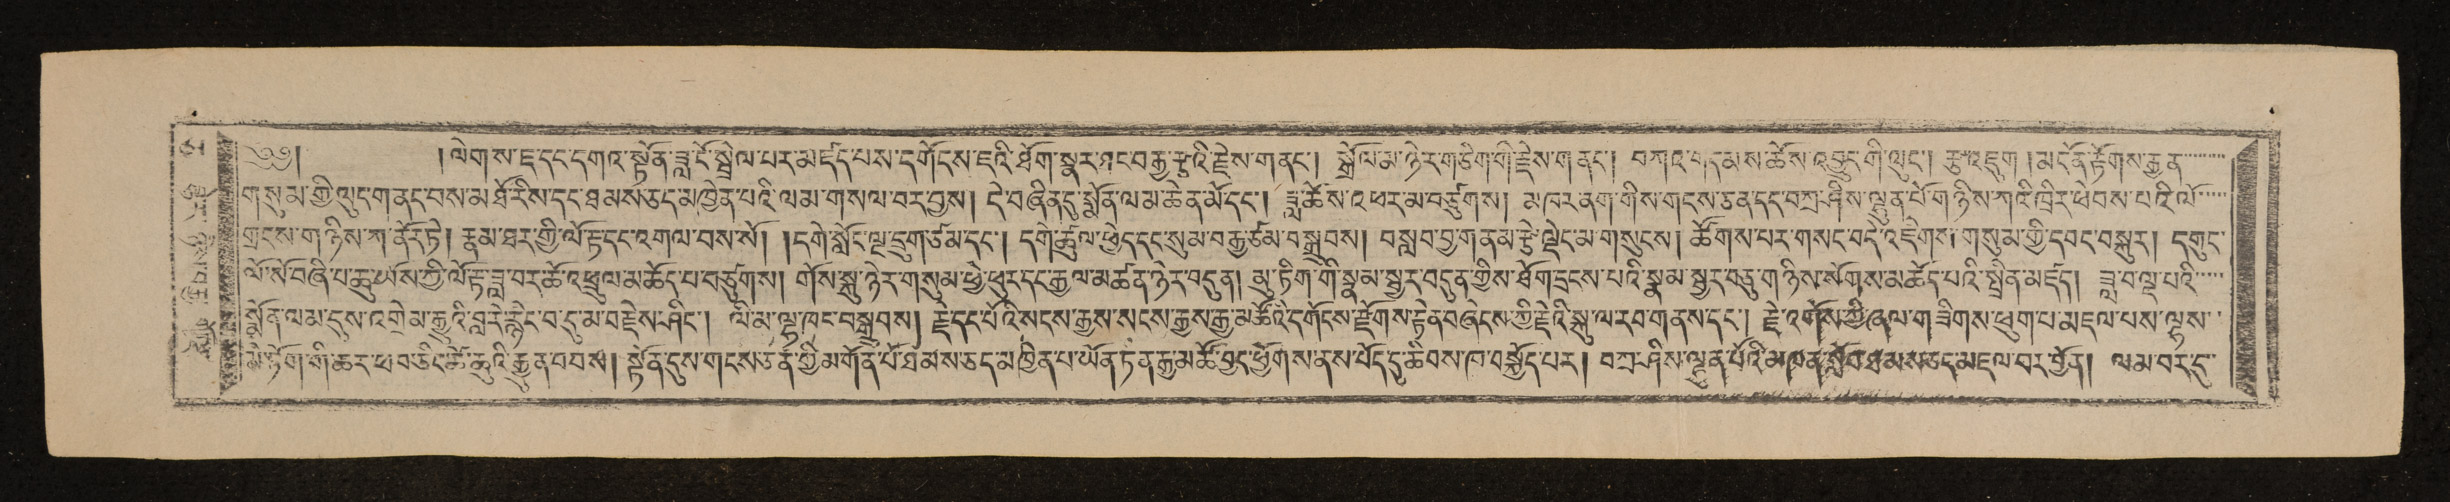༄༅། །ལེགས་ཇ་དང་དགའ་སྟོན་ཟླ་ངོ་སྤྲེལ་པར་མཛད་པས་དགོངས་ཇའི་ཐོག་སྣར་ཐང་བརྒྱ་རྩའི་རྗེས་གནང་། སྒྲོལ་མ་ཉེར་གཅིག་གི་རྗེས་གནང་། བཀའ་གདམས་ཆོས་འབྱུང་གི་ལུང་། རྩ་འཇུག །མངོན་རྟོགས་རྒྱན་
གསུམ་གྱི་ལུང་གནང་བས་མཐོ་རིས་དང་ཐམས་ཅད་མཁྱེན་པའི་ལམ་གསལ་བར་བྱས། དེ་བཞིན་དུ་སྨོན་ལམ་ཆེན་མོ་དང་། ཟླ་ཆོས་འཕར་མ་བཙུགས། མཁར་ནག་གིས་གངས་ཅན་དང་བཀྲ་ཤིས་ལྷུན་བོ་གཉིས་ཀའི་ཁྲིར་ཕེབས་པའི་ལོ་
གྲངས་གཉིས་ཀ་ནོར་ཏེ། རྣམ་ཐར་གྱི་ལོ་རྟ་དང་འགལ་བས་སོ། །དགེ་སློང་ལྔ་དྲུག་ཙམ་དང་། དགེ་ཚུལ་ཕྱེད་དང་སུམ་བརྒྱ་ཙམ་བསྒྲུབས། བསླབ་བྱ་གནམ་རྩེ་ལྡེང་མ་གསུངས། ཚོགས་པར་གསང་བདེ་འཇིགས་གསུམ་གྱི་དབང་བསྐུར། དགུང་
ལོ་སོ་བཞི་པ་ཆུ་ཡོས་ཀྱི་ལོ་རྟ་ཟླ་བར་ཆོ་འཕྲུལ་མཆོད་པ་བཙུགས། གོས་སྐུ་ཉེར་གསུམ་ཕྱེ་ཕུར་དང་རྒྱལ་མཚན་ཉེར་བདུན། མུ་ཏིག་གི་སྣམ་སྦྱར་བདུན་གྱིས་ཐོག་དྲངས་པའི་སྣམ་སྦྱར་བཅུ་གཉིས་སོགས་མཆོད་པའི་སྤྲིན་མཛད། ཟླ་བ་ལྔ་པའི་
སྨོན་ལམ་དུས་འགྲེམ་རྒྱུའི་བླ་རེ་རྙིང་བ་དུ་མ་བརྗེས་ཤིང་། ལིམ་ལྷ་ཁང་བསྒྲུབས། རྗེ་དང་པོའི་སངས་རྒྱས་སངས་རྒྱས་རྒྱ་མཚོའི་དགོངས་རྫོགས་རྟེན་བཞེངས་ཀྱི་རྗེའི་སྐུ་ལ་རབ་གནས་དང་། རྗེ་འགོས་ཀྱི་ཞལ་གཟིགས་ཕུག་པ་མཇལ་པས་ལྷས་
མེ་ཏོག་གི་ཆར་ཕབ་ཅིང་ཚེ་ཆུའི་རྒྱུན་བབས། སྟོན་དུས་གངས་ཅན་གྱི་མགོན་པོ་ཐམས་ཅད་མཁྱེན་པ་ཡོན་ཏན་རྒྱ་མཚོ་བྱང་ཕྱོགས་ནས་བོད་དུ་ཆིབས་ཁ་བསྐྱོད་པར། བཀྲ་ཤིས་ལྷུན་པོའི་མཁན་སློབ་ཐམས་ཅད་མཇལ་བར་བྱོན། ལམ་པར་དུ་